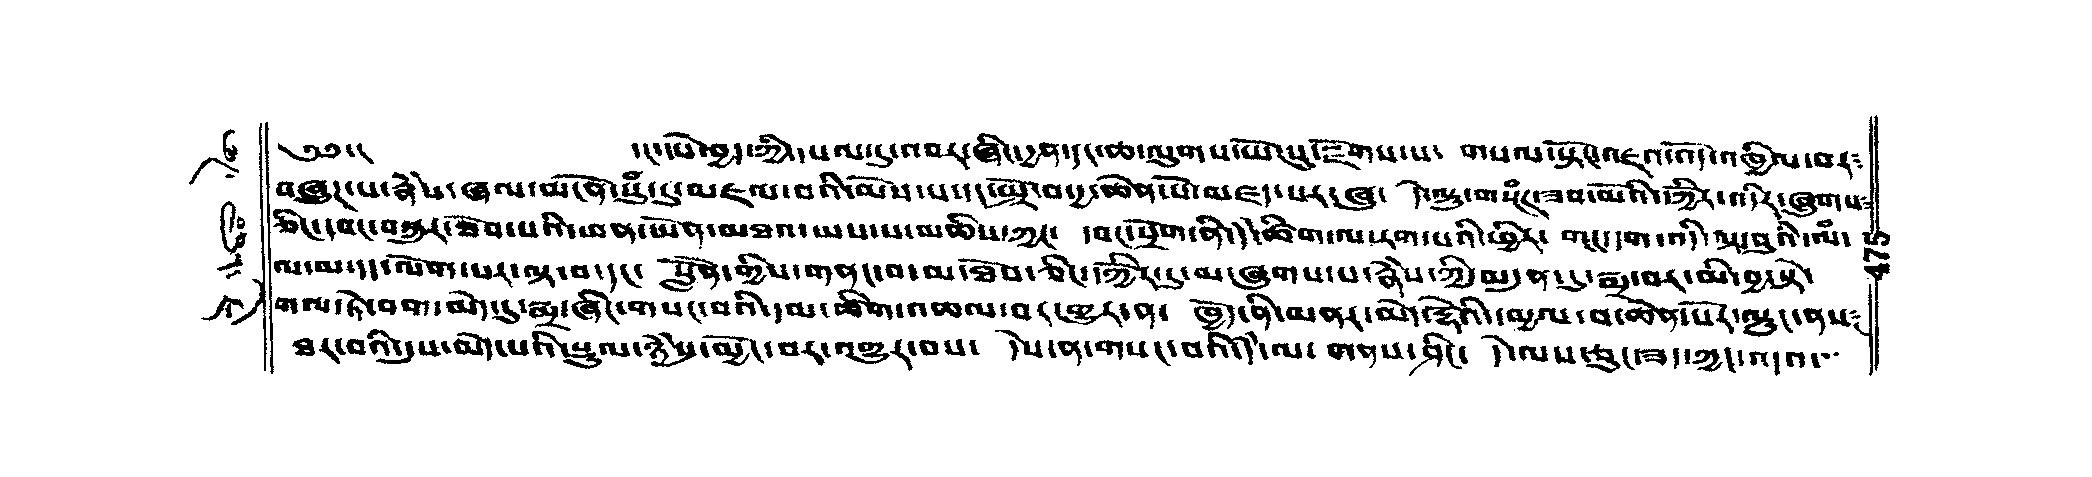དང་དཔེ་བྱད་ཀྱི་དཔལ་དུ་འབར་ཞིང་རྒྱན་དང་ཆ་ལུགས་ཡོངས་སུ་རྫོགས་པ། གསལ་སྟོང་འཇའ་འོད་འཁྱིལ་བར་
བཞུགས་པ་རྣམས་ཞལ་མངོན་སུམ་དུ་མཇལ་བའི་མོས་པ་དང་སྤྲོ་བ་རྒྱ་ཆེན་པོ་མཞད་པར་ཞུ། དེ་ལྟ་བུ་གསང་སྔགས་ཟབ་མོའི་དཀྱིལ་འཁོར་འདིར་ཞུགས་
ཤིང་དབང་བསྐུར་ཐོབ་པའི་ཕན་ཡོན་མཐའ་ཡས་པ་མཆིས་ཀྱང་། དབང་སྲོག་ནི་དམ་ཚིག་ལ་རག་པའི་ཕྱིར། གང་དག་འདི་ལྟ་བུའི་ལམ་
ལ་མ་དད་ལོག་པར་ལྟ་བ་དང་། སློབ་དཔོན་གྱིས་གནང་བ་ཐོབ་ཅིང་དཀྱིལ་འཁོར་དུ་མ་ཞུགས་པ་རྣམས་ཀྱི་མདུན་དུ་སྨྲ་བར་མི་བྱ་སྟེ། 
གས་ཏེ་བག་མེད་དུ་སྨྲ་ཞིང་གསང་བའི་དམ་ཚིག་འཆལ་བར་གྱུར་ན། ཁྱོད་ནི་མནར་མེད་རྡོ་རྗེའི་དམྱལ་བ་ཆེན་པོར་ལྟུང་ནས་
ཐར་བའི་དུས་མེད་པའི་སྡུག་བསྔལ་ཉམས་སུ་མྱོང་བར་འགྱུར་བས། དེས་ན་གསང་བའི་དམ་པ་ལ་གནས་་ཤིང་། དེ་ལས་ཅུང་ཟད་ཀྱང་འདའ་